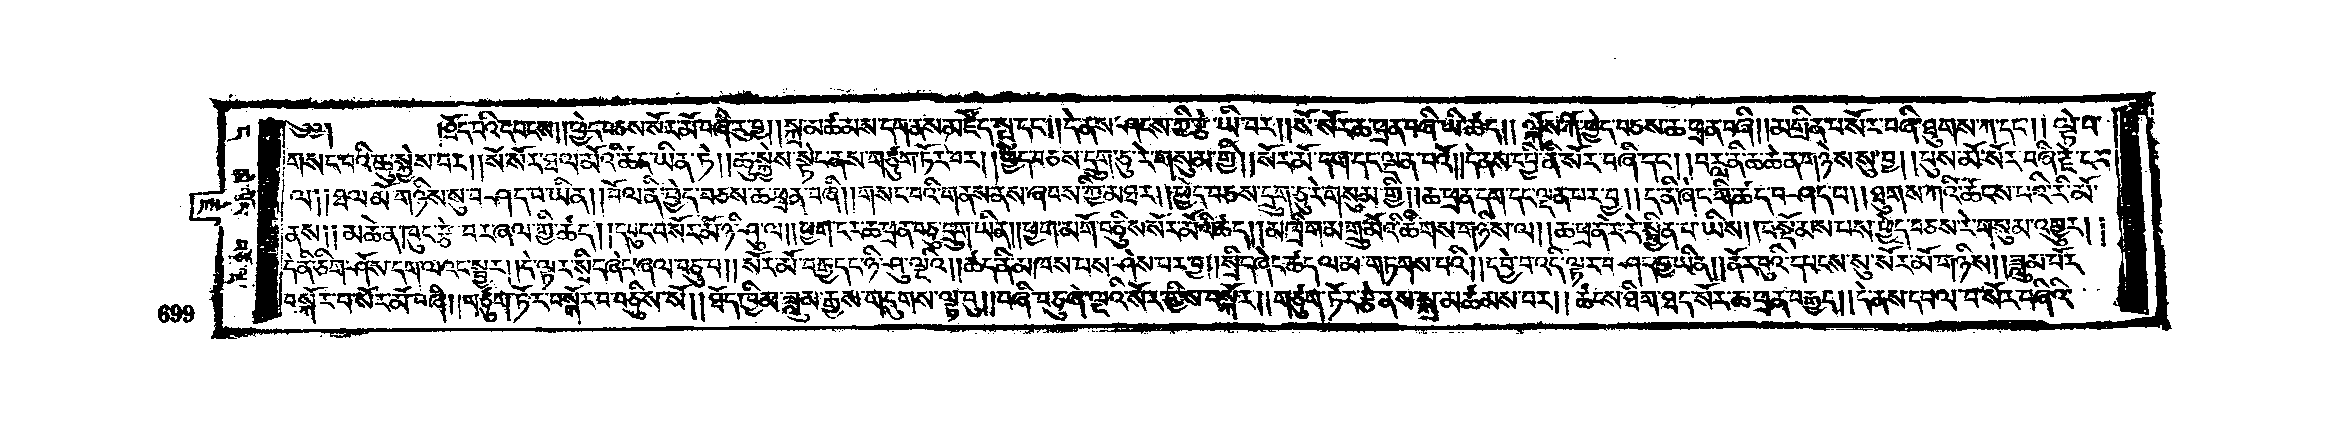༄༅། །ཐོད་པའི་དཔངས། །ཕྱེད་བཅས་སོར་མོ་བཞི་རུ་བྱ། །སྐྲ་མཚམས་དག་ནས་མཛོད་སྤུ་དང་། །དེ་ནས་ཤངས་ཀྱི་རྩེ་ཡི་བར། །སོ་སོར་ཆ་ཕྲན་བཞི་ཡི་ཚད། །ལྐོས་ཀོ་ཕྱེད་བཅས་ཆ་ཕྲན་བཞི། །མགྲིན་པ་སོར་བཞི་ཐུགས་ཀ་དང་། །ལྟེ་བ་
གསང་བའི་ཆུ་སྐྱེས་བར། །སོ་སོར་ཐལ་མོའི་ཚད་ཡིན་ཏེ། །ཆུ་སྐྱེས་སྟེང་ནས་གཙུག་ཏོར་བར། །ཕྱེད་བཅས་དྲུག་ཅུ་རེ་གསུམ་གྱི། །སོར་མོ་དག་དང་ལྡན་པའོ། །དེ་ནས་དཔྱི་ནི་སོར་བཞི་དང་། །བརླ་ནི་ཆ་ཆེན་གཉིས་སུ་བྱ། །པུས་མོ་སོར་བཞི་རྗེ་ངར་
ལ། །ཐལ་མོ་གཉིས་སུ་བཤད་པ་ཡིན། །བོལ་ནི་ཕྱེད་བཅས་ཆ་ཕྲན་བཞི། །གསང་བའི་གནས་ནས་ཞབས་ཀྱི་མཐར། །ཕྱེད་བཅས་དྲུག་ཅུ་རེ་གསུམ་གྱི། །ཆ་ཕྲན་དག་དང་ལྡན་པར་བྱ། །ད་ནི་ཞེང་གི་ཚད་བཤད་པ། །ཐུགས་ཀའི་ཚངས་པའི་རི་མོ་
ནས། །མཆེ་ན་ཁུང་རྩེ་བར་ཞལ་གྱི་ཚད། །དཔུང་བ་སོར་མོ་ཉི་ཤུ་ལ། །ཕྱག་ངར་ཆ་ཕྲན་བཅུ་དྲུག་ཡིན། །ཕྱག་མགོ་བཅུ་གཉིས་སོར་མོའི་ཚད། །མཁྲིག་མགྲུ་མོའི་ཚིགས་གཉིས་ལ། །ཆ་ཕྲན་རེ་རེ་སྦྱིན་པ་ཡིས། །བསྡོམས་པས་ཕྱེད་བཅས་རེ་གསུམ་འགྱུར། །
དེ་ནི་ཅིག་ཤོས་དག་ལའང་སྦྱར། །དེ་ལྟར་སྲིད་ཞེང་ཞལ་བཅུ་པ། །སོར་མོ་བརྒྱ་དང་ཉི་ཤུ་ལྔའི། །ཚད་ནི་མཁས་པས་ཤེས་པར་བྱ། །སྲིད་ཞེང་ཚད་ལ་མ་གཏགས་པའི། །དབྱེ་བ་འདི་ལྟར་བཤད་བྱ་ཡིན། །ནོར་བུའི་དཔངས་སུ་སོར་མོ་གཉིས། །ཟླུམ་པོར་
བསྐོར་བ་སོར་མོ་བཞི། །གཙུག་ཏོར་བསྒོར་བ་བཅུ་གཉིས་སོ། །ཐོད་ཁྱིམ་ཟླུམ་རྒྱས་གདུགས་ལྟ་བུ། །བཞི་བཅུ་ཞེ་ལྔའི་སོར་གྱིས་བསྐོར། །གཙུག་ཏོར་རྩེ་ནས་སྐྲ་མཚམས་བར། །ཚངས་ཐིག་ཐད་སོར་ཆ་ཕྲན་བརྒྱད། །དེ་ནས་དཔལ་བ་སོར་བཞིའི་